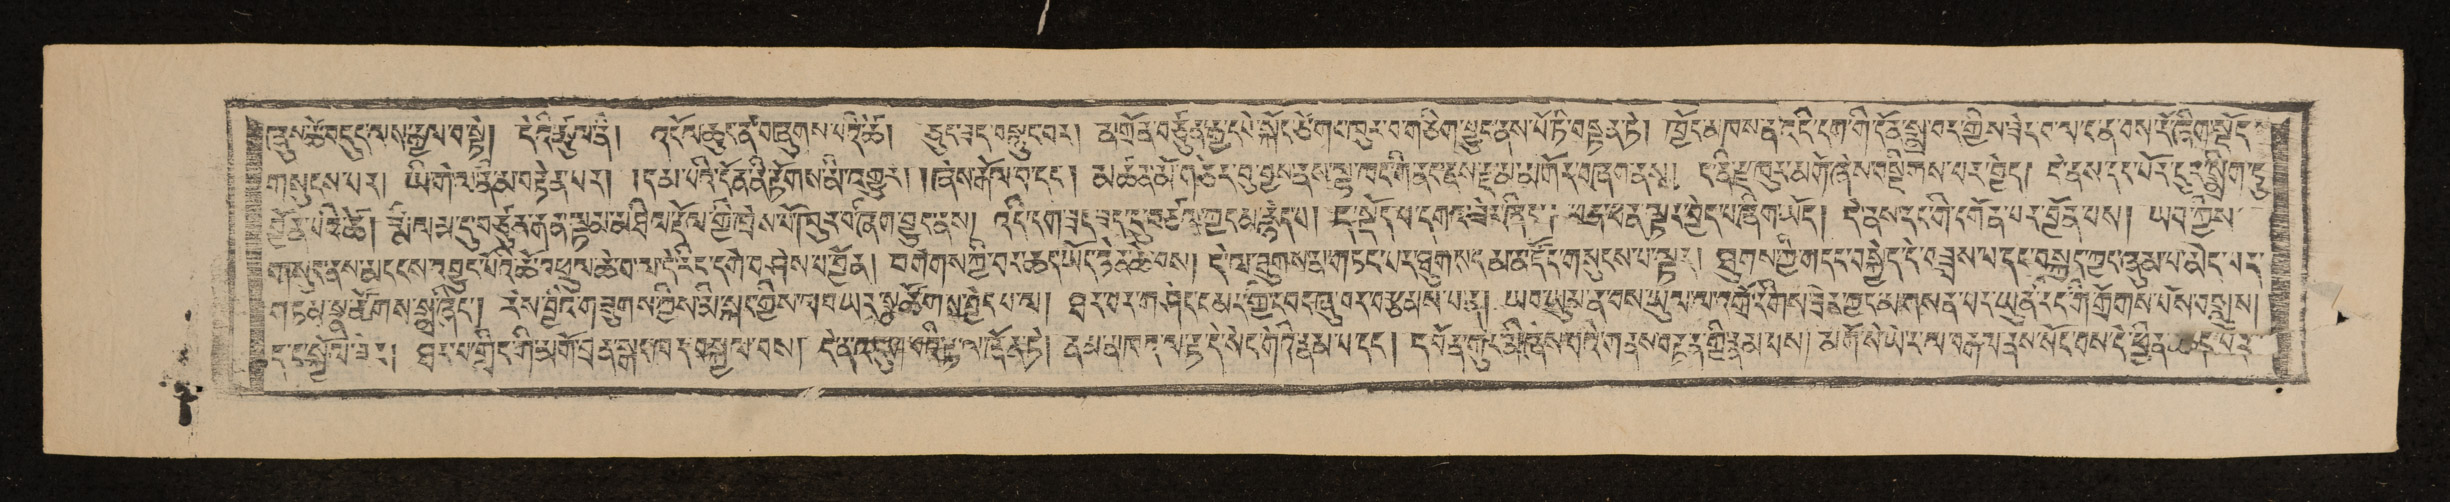ཞུས་ཚེ་བདུད་ལས་རྒྱལ་བ་སྟེ། དེའི་ཚུལ་ནི། འདོལ་ཆུང་ན་བཞུགས་པའི་ཚེ། ཅུང་ཟད་བསྙུང་བར། མགྲོན་བཙུན་རྒྱ་དཔེ་སྐོད་ཅོ་གང་ཁུར་བ་གཅིག་བྱུང་ནས་པོ་ཏི་བསྟན་ཏེ། ཁྱོད་མཁས་ན་འདི་དག་གི་དོན་སྨྲ་བར་གྱིས་ཟེར་བ་ལ་ངན་བས་རེ་ཞིག་སྡོད་
གསུངས་པར། ཡི་གེ་ལ་ནི་མ་བརྟེན་པར། །དམ་པའི་དོན་ནི་རྟོགས་མི་འགྱུར། །ཞེས་རྒོལ་བ་དང་། མཚན་མོ་གཅེར་བུ་བྱས་ནས་ལྷ་ཁང་གི་ནང་ནས་རྫ་མ་མགོར་བཞག་ནས། ད་ནི་རྫ་ཁུར་མགོ་ཞེས་བསྡིགས་པར་བྱེད། དེ་ནས་དང་པོར་དུར་སྨྲིག་ཏུ་
བྱོན་པའི་ཚེ། རྨི་ལམ་དུ་བཙུན་རྒན་ལྷམ་མཐིལ་རྡོལ་གྱི་ཁྲེས་པོ་ཁུར་བ་ཞིག་བྱུང་ནས། འདི་དག་ཟད་ཟད་དུ་བཙལ་ཀྱང་མ་རྙེད་པ། ད་སྡོད་པ་དགའ་ཟེར་ཞིང་། ཕན་ཕན་ལྟར་བྱེད་པ་ཞིག་ཡོད། དེ་ནས་རང་གི་དགོན་པར་བྱོན་པས། ཡབ་ཀྱིས་
གསུང་ནས་མདངས་འབྱུང་པོའི་ཆོ་འཕྲུལ་ཆེ་བ་ལ་དེ་རིང་དགེ་བཤེས་པ་བྱོན། བགེགས་ཀྱི་བར་ཆད་ཡོད་ཉེན་ཆེ་བས། དེ་ལ་ཐུགས་མ་གཏད་བར་ཐུགས་དམ་མཛོད་གསུངས་པ་ལྟར། ཐུགས་ཀྱི་གདེང་བསྐྱེད་དེ་བཟླས་པ་དང་བསྐྲད་ཀྱང་ཞུམ་པ་མེད་པར་
གཏམ་སྣ་ཚོགས་སྨྲ་ཞིང་། རོས་བྱའི་གཟུགས་ཀྱིས་མི་སྐད་ཀྱིས་ལབ་ཡར་སྣ་ཚོགས་བྱེད་པ་ལ། ཐར་བར་གཤེད་དམར་གྱི་དབང་ཞུ་བར་བརྩམས་པ་ན། ཡབ་ཡུམ་ན་བས་ཡུལ་ལ་འགྲོ་རིགས་ཟེར་ཀྱང་མ་གསན་པར་ཡུན་རིང་གི་གྲོགས་པོས་བསླུས།
དང་སྐྱོལ་ཟེར། ཐར་པ་གླིང་གི་མགོ་བྲན་སྒང་ཁར་བསྐྱལ་བས། དེ་ན་འདུག་པའི་རྟ་ལ་ཞོན་ཏེ། ནམ་མཁའ་ལ་རྟ་དེ་སེང་གེའི་རྣམ་པ་དང་། དཔོན་གུར་མི་ཞེས་པའི་གནས་བརྟན་གྱི་རྣམ་པས། མགོ་སེ་ཡེ་རེལ་བརྒལ་ནས་སོང་བས་དེ་ཕྱིན་ཆད་པར་